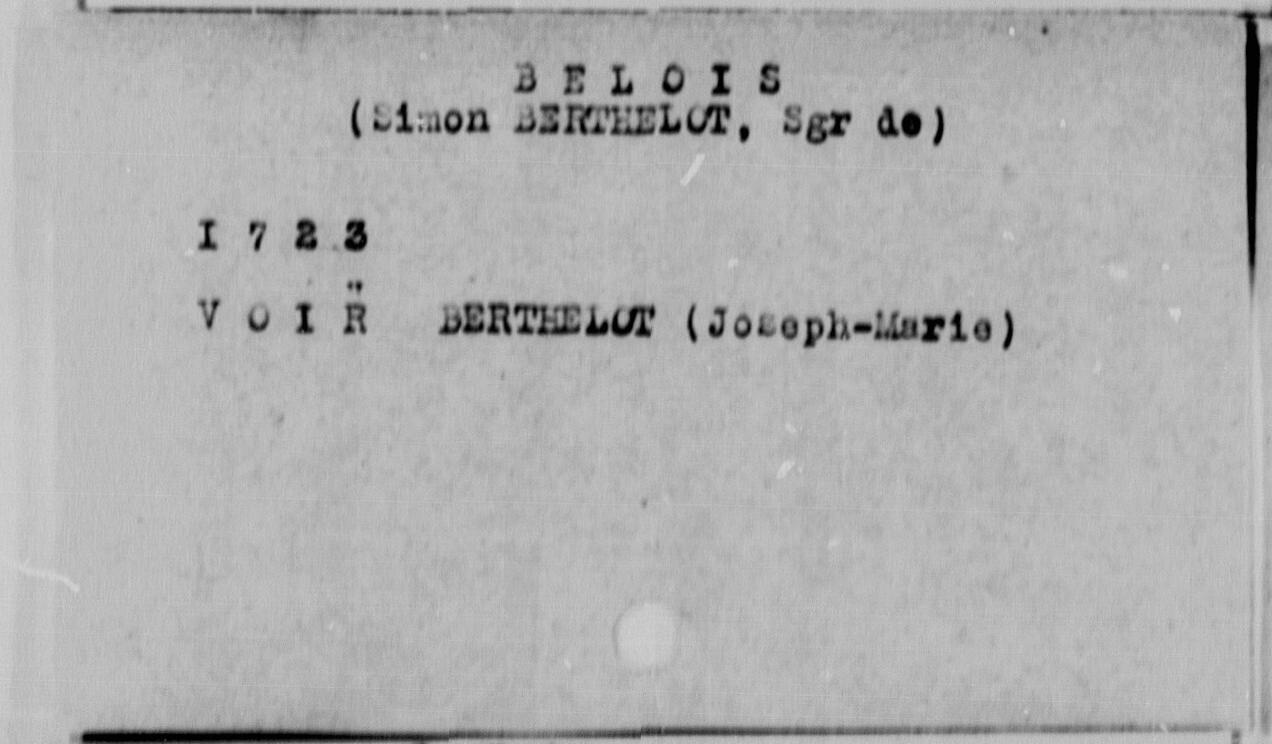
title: BELOIS (Simon BERTHELOT, seigneur de)
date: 1723
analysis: VOIR BERTHELOT (Joseph-Marie)
